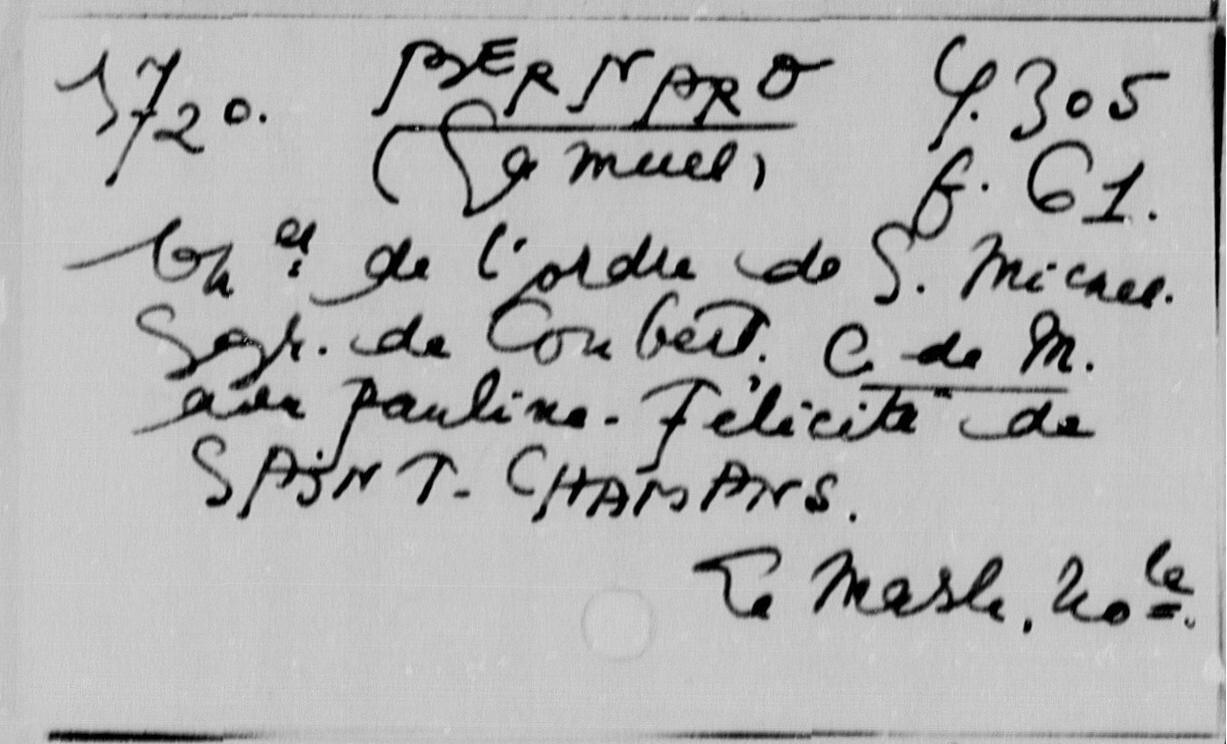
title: BERNARD (Samuel)
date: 1720
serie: Y
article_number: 305
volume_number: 61
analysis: Chevalier de l'ordre de Saint-Michel, seigneur de Coubert. Contrat de mariage avec Pauline-Félicité de SAINT-CHAMANS. Le Masle, notaire.
